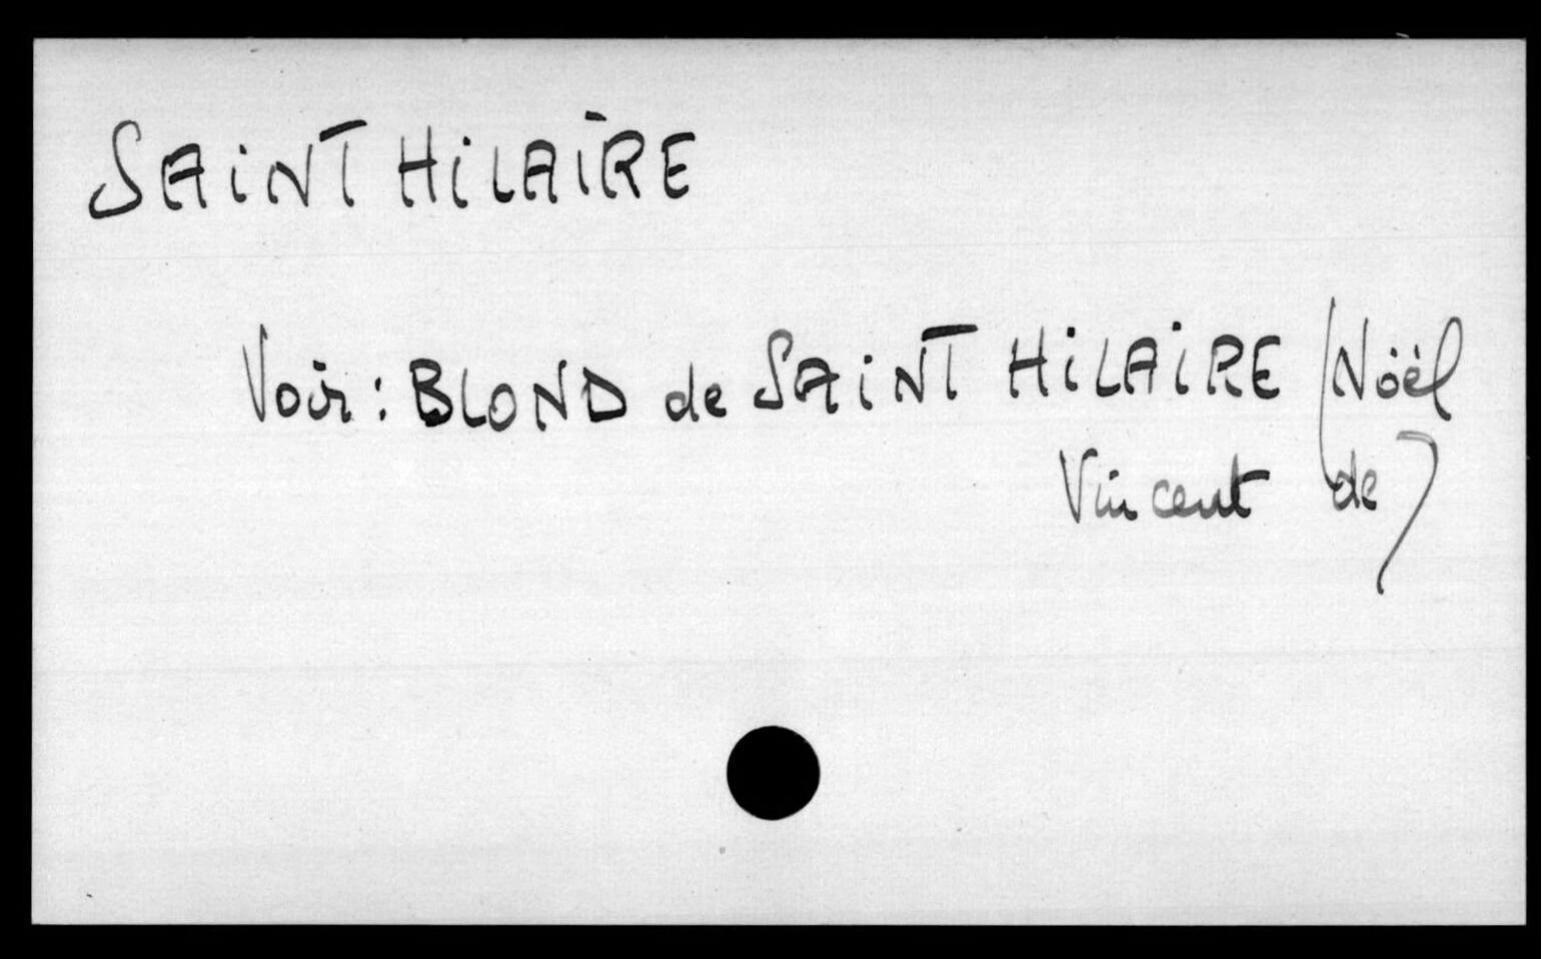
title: SAINT HILAIRE
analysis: Voir : BLOND de SAINT HILAIRE (Noël Vincent de)
